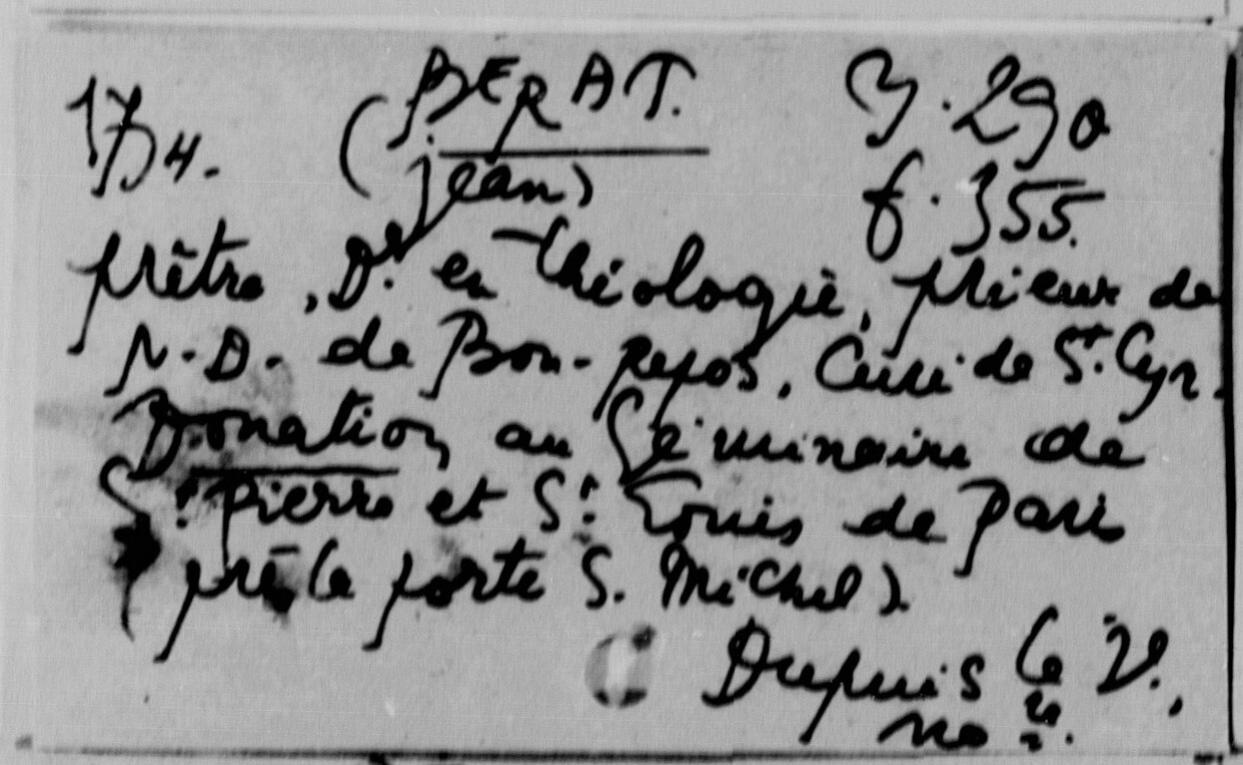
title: BERAT (Jean)
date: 1704
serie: Y
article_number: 290
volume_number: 355
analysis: Prêtre, docteur en théologie, prieur de Notre-Dame de Bon-Repos, curé de Saint-Cyr. Donation au Séminaire de Saint-Pierre et Saint-Louis de Paris (près la porte Saint-Michel) Dupuis le jeune, notaire.
